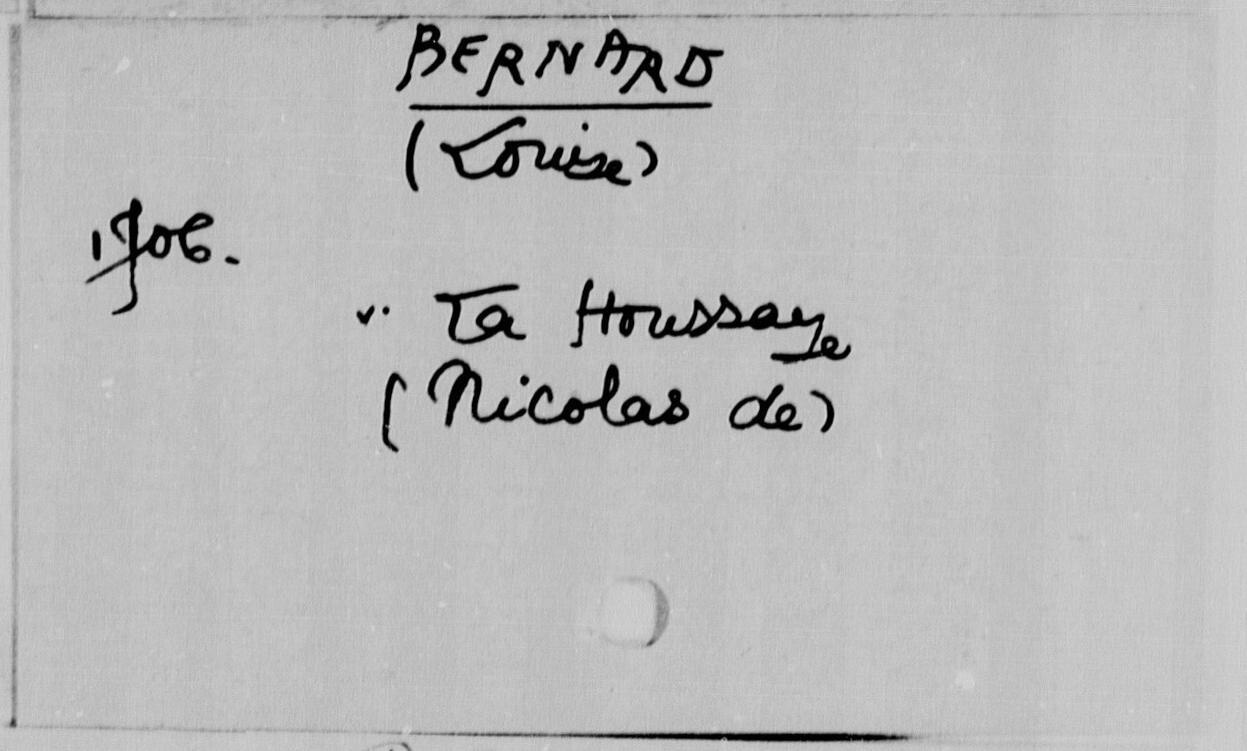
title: BERNARD (Louise)
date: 1706
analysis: Voir La Houssaye (Nicolas de)
